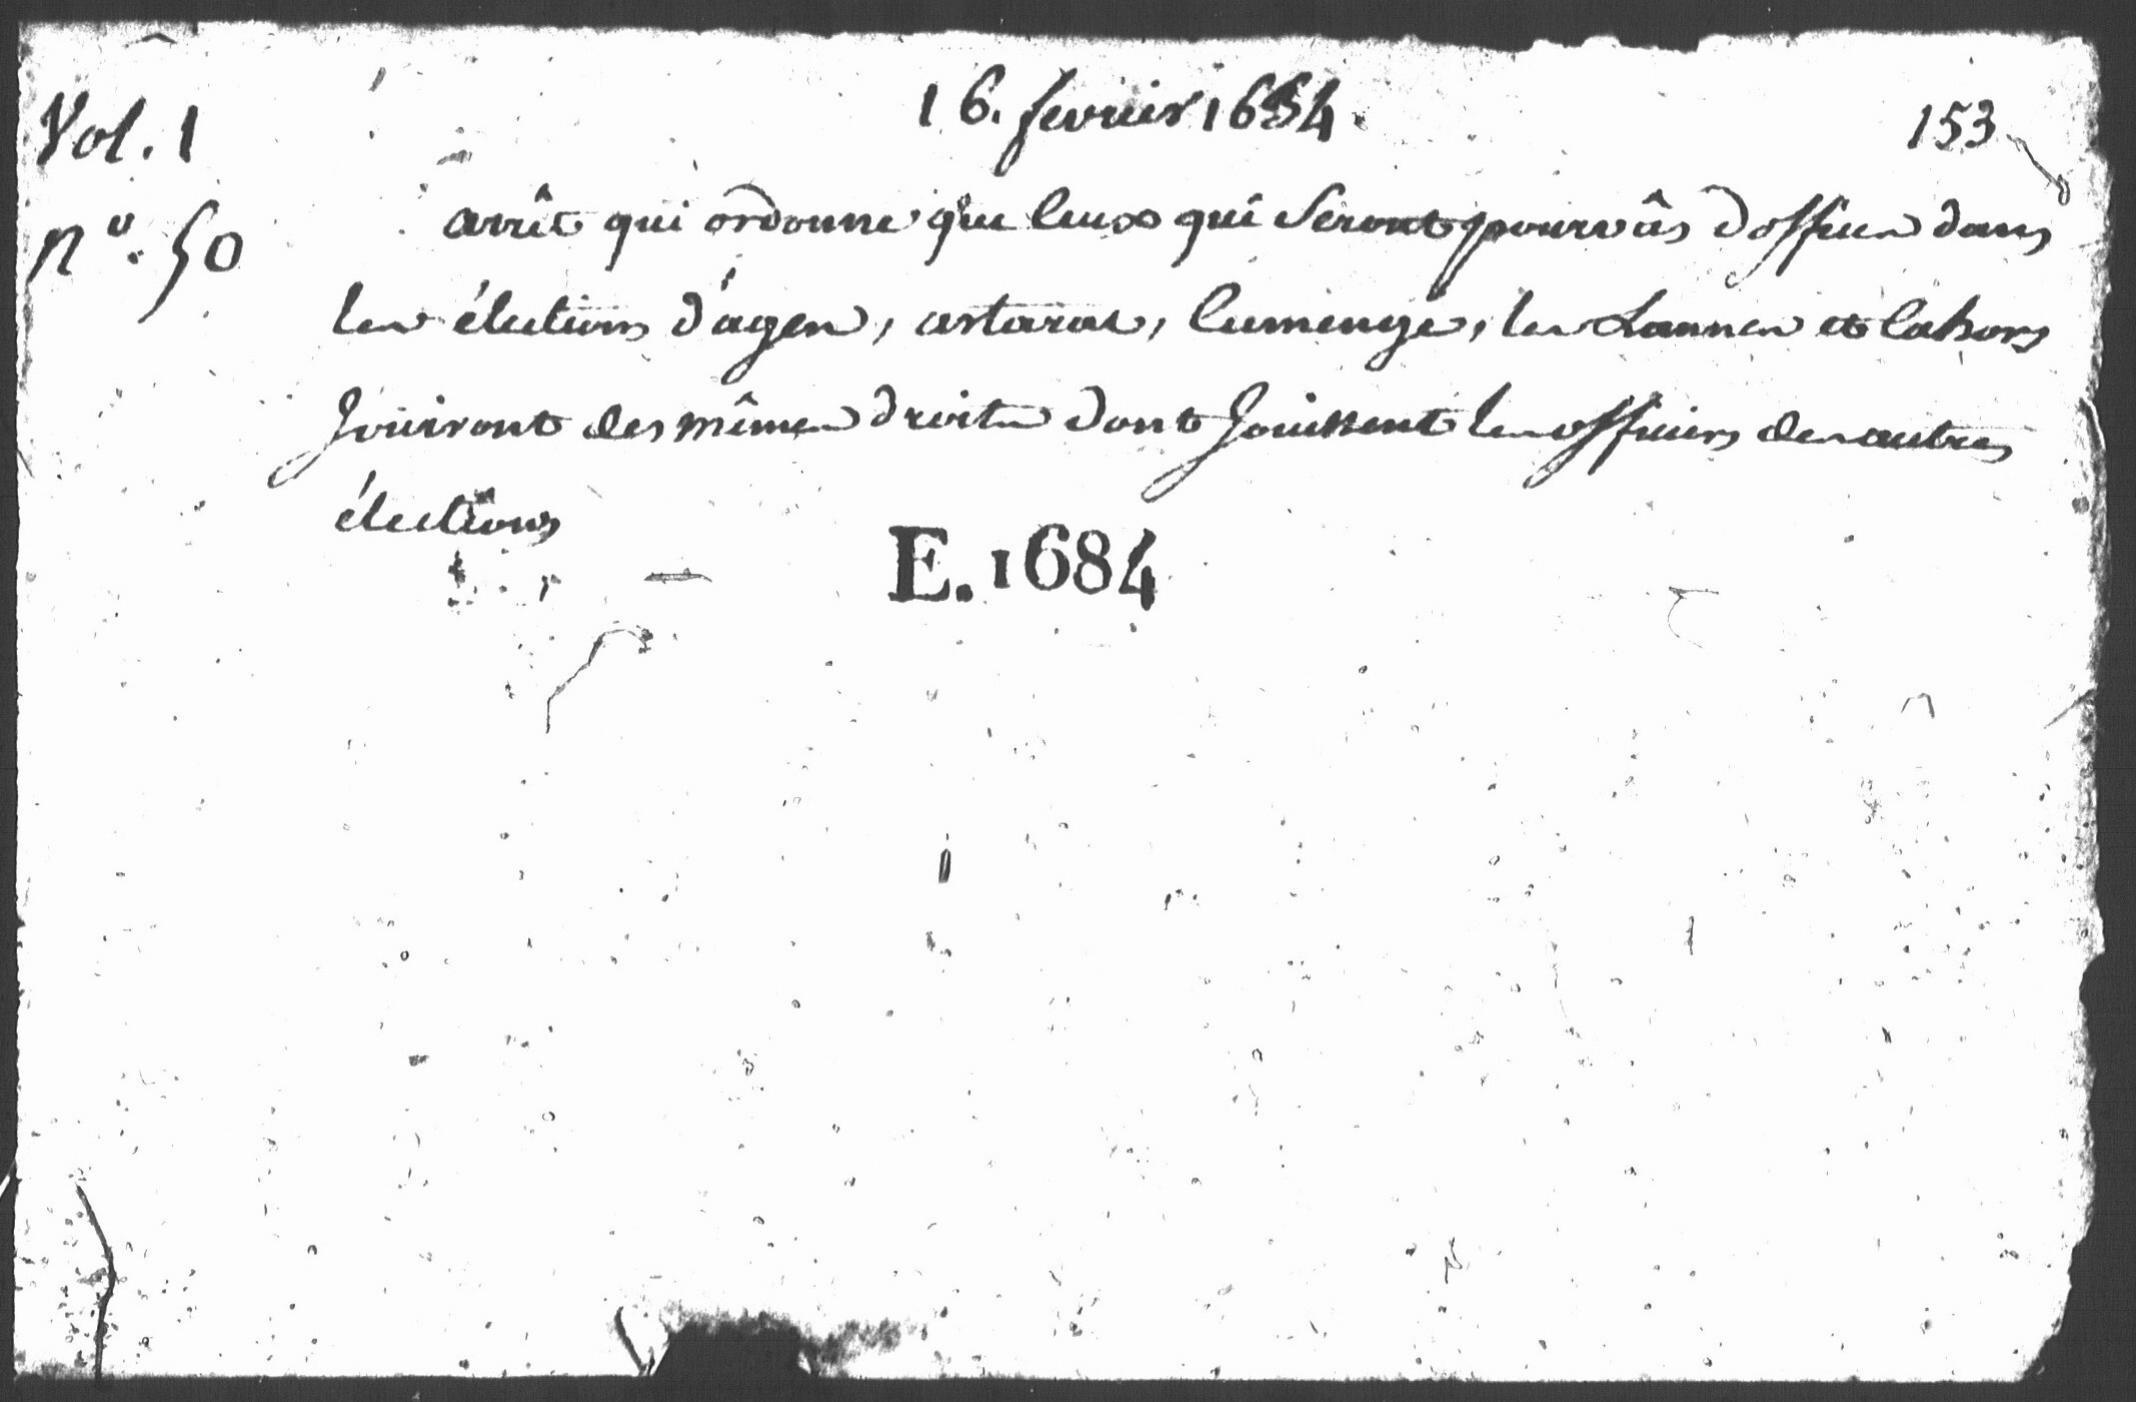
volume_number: n°50
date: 16 février 1634
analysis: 153
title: arrêt qui ordonne que ceux qui seront pourvus d'offices dans les élections d'Agen, Astarac, Cumenge, les Lannes et Cahors jouiront des mêmes droits dont jouissent les officiers des autres élections
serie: E
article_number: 1684
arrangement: vol. 1
